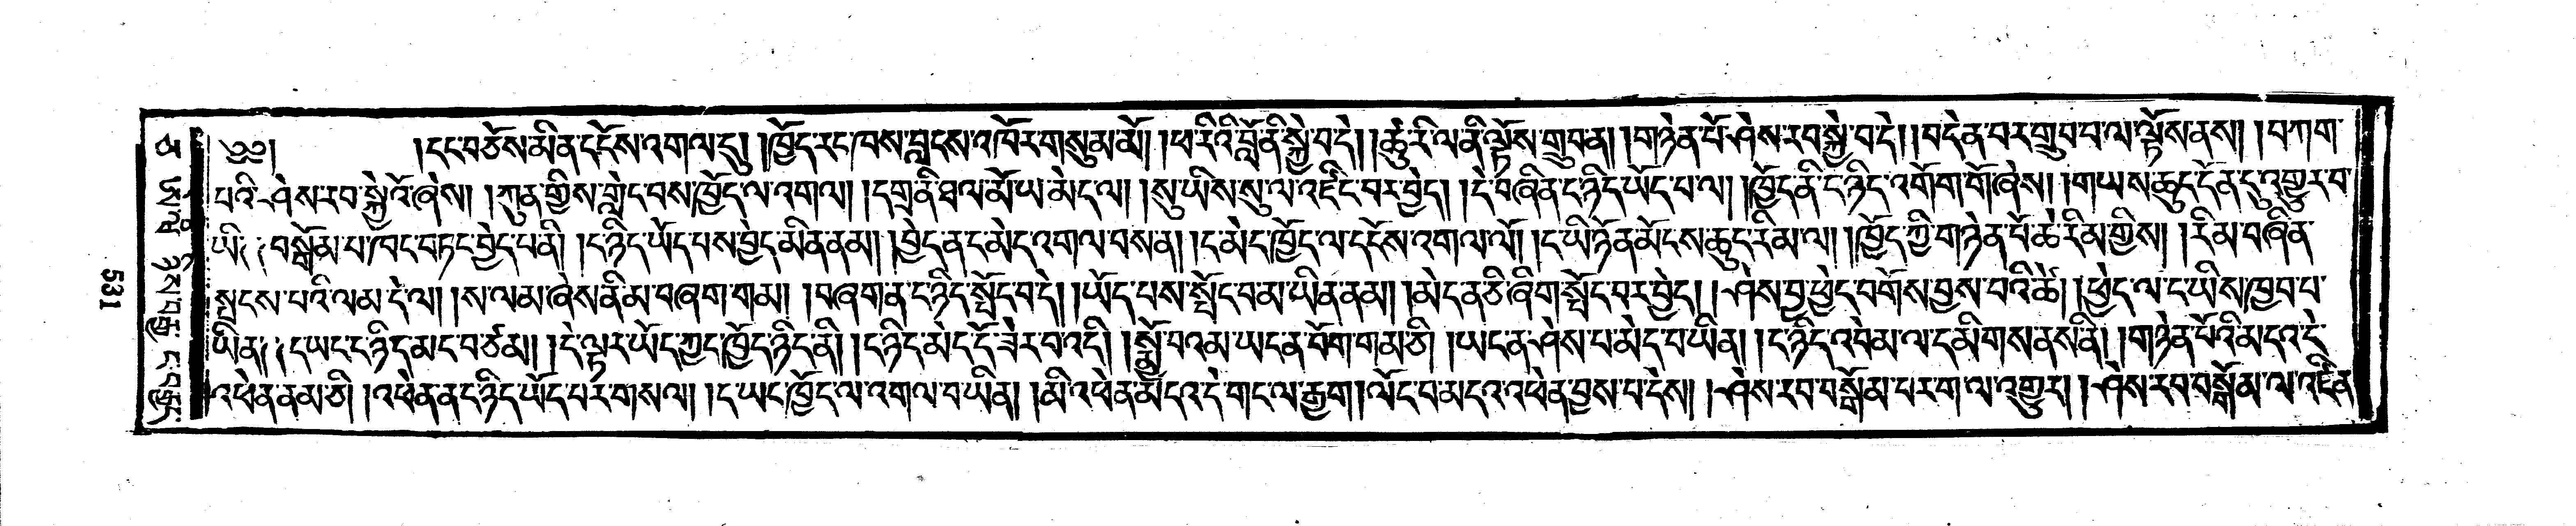༄༅། །དང་བཅོས་མིན་དངོས་འགལ་དུ། །ཁྱོད་རང་ཁས་བླངས་འཁོར་གསུམ་མོ། །ཕ་རིའི་བློ་ན་སྐྱེ་བ་དེ། །ཚུ་རི་ལ་ནི་ལྟོས་གྲུབ་ན། །གཉེན་པོ་ཤེས་རབ་སྐྱེ་བ་དེ། །བདེན་པར་གྲུབ་པ་ལ་ལྟོས་ནས། །བཀག་
པའི་ཤེས་རབ་སྐྱེའོ་ཞེས། །ཀུན་གྱིས་གླེང་བས་ཁྱོད་ལ་འགལ། །དགྲ་ནི་ཐལ་མོ་ཡ་མེད་ལ། །སུ་ཡིན་སུ་ལ་འཛིང་བར་བྱེད། །དེ་བཞིན་ང་ཉིད་ཡོད་པ་ལ། །ཁྱོད་ནི་ང་ཉིད་འགོག་གོ་ཞེས། །གཡས་ཆུང་དོན་དུ་འགྱུར་བ་
ཡི༑ ༑བསྒོམ་པ་ཁང་བཏང་བྱེད་པ་ནི། །ང་ཉིད་ཡོད་པས་བྱེད་མིན་ནམ། །བྱེད་ན་ང་མེད་འགལ་བས་ན། །ང་མེད་ཁྱོད་ལ་དངོས་འགལ་ལོ། །ང་ཡི་ཉོན་མོངས་ཆུང་རིམ་ལ། །ཁྱོད་ཀྱི་གཉེན་པོ་ཆེ་རིམ་གྱིས། །རིམ་བཞིན་
སྤངས་པའི་ལམ་དེ་ལ། །ས་ལ་ཞེས་ནི་མ་བཞག་གམ། །བཞག་ན་ང་ཉིད་སྤོང་བ་དེ། །ཡོད་པས་སྤོང་བ་མ་ཡིན་ནམ། །མེད་ན་ཅི་ཞིག་སྤོང་བར་བྱེད། །ཤེས་བྱ་ཕྱེད་བགོས་ནས་པའི་ཚེ། །ཕྱེད་ལ་ང་ཡིས་ཁྱབ་པ་
ཡིན༑ ༑དེ་ཡང་ང་ཉིད་མང་བ་རྩམ། །དེ་ལྟར་ཡོད་ཀྱང་ཁྱེད་ཉིད་ནི། །ང་ཉིད་མེད་དོ་ཟེར་བ་འདི། །སྨྱོ་བའམ་ཡང་ན་བོག་གམ་ཅི། །ཡན་ན་ཤེས་པ་མེད་པ་ཡིན། །ང་ཉིད་འབེམ་ལ་དམིགས་ནས་ནི། །གཉེན་པོའི་མདའ་དེ་
འཕེན་ནམ་ཅི། །འཕེན་ན་ང་ཉིད་ཡོད་པར་གསལ། །ང་ཡང་ཁྱོད་ལ་འགལ་བ་ཡིན། །མི་འཕེན་མདའ་དེ་གང་ལ་རྒྱག །ལོང་བ་མདའ་འཕེན་བྱས་པ་དེས། །ཤེས་རབ་བསྒོམ་པར་ག་ལ་འགྱུར། །ཤེས་རབ་བསྒོམ་ལ་འཛིན་